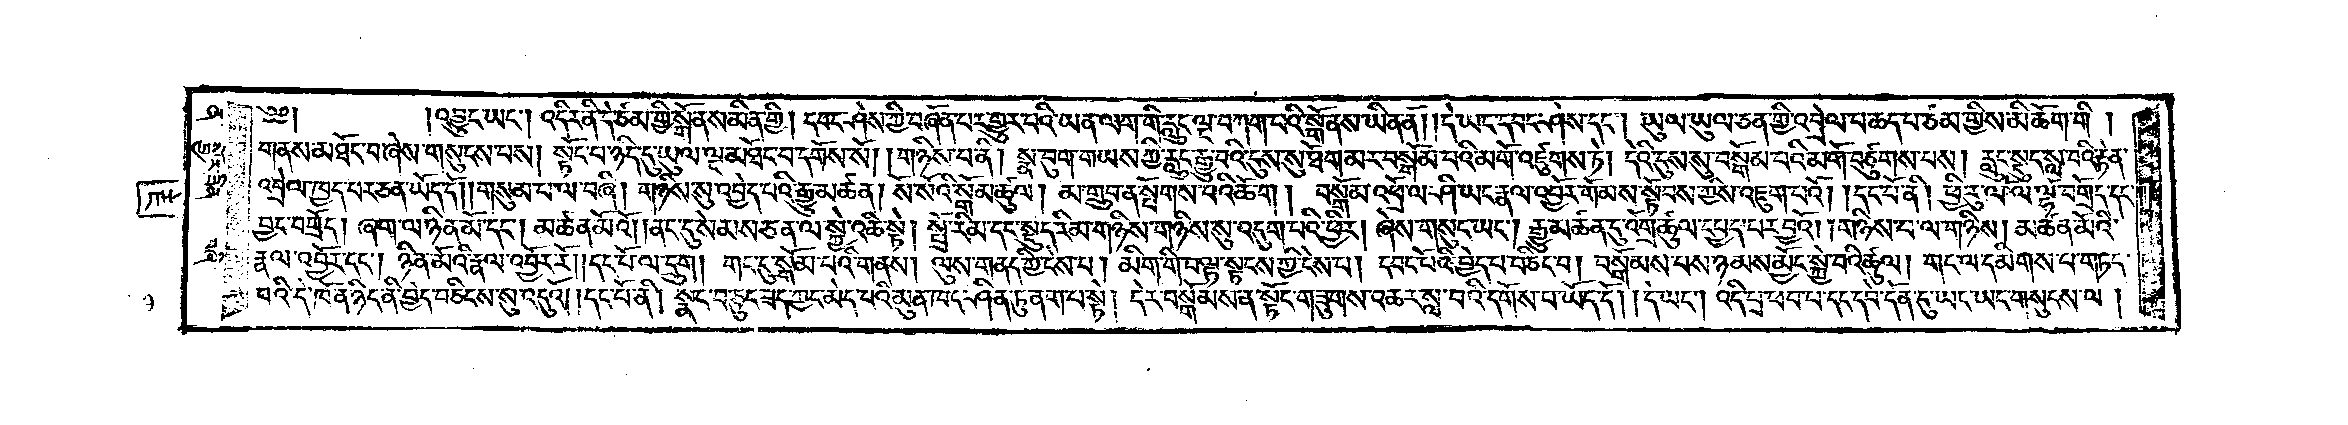༄༅། །འབྱུང་ཡང་། འདིར་ནི་དེ་ཙམ་གྱི་སྒོ་ནས་མིན་གྱི། དབང་ཤེས་ཀྱི་བཞོན་པར་གྱུར་པའི་ཡན་ལག་གི་རླུང་ལྔ་བཀག་པའི་སྒོ་ནས་ཡིན་ནོ། །དེ་ཡང་དབང་ཤེས་དང་། ཡུལ་ཡུལ་ཅན་གྱི་འབྲེལ་པ་ཆད་པ་ཙམ་གྱིས་མི་ཆོག་གི །
གནས་མཐོང་བ་ཞེས་གསུངས་པས། སྟོང་པ་ཉིད་དུ་ཡུལ་ལྔ་མཐོང་བ་དགོས་སོ། །གཉིས་པ་ནི། སྣ་བུག་གཡས་ཀྱི་རླུང་རྒྱུ་བའི་དུས་སུ་ཐོག་མར་བསྒོམ་པའི་མགོ་འཛུགས་ཏེ། དེའི་དུས་སུ་བསྒོམ་པའི་མགོ་བཙུགས་པས། རླུང་སྡུད་སླ་བའི་རྟེན་
འབྲེལ་ཁྱད་པར་ཅན་ཡོད་དོ། །གསུམ་པ་ལ་བཞི། གཉིས་སུ་འབྱེད་པའི་རྒྱུ་མཚན། སོ་སོའི་སྒོམ་ཚུལ། མ་གྲུབ་ན་སྤོགས་པའི་ཆོ་ག། བསྒོམ་འཕྲོ་ལ་ཤི་ཡང་རྣལ་འབྱོར་གོམས་སྟོབས་ཀྱིས་འཇུག་པའོ། །དང་པོ་ནི། ཕྱི་རུ་ལ་ལ་ལྷོ་བགྲོད་དང་
བྱང་བགྲོད། ཞག་ལ་ཉིན་མོ་དང་། མཚན་མོའོ། །ནང་དུ་སེམས་ཅན་ལ་སྐྱེ་འཆི་སྟེ། སྤྲོ་རིམ་དང་སྡུད་རིམ་གཉིས་གཉིས་སུ་འདུག་པའི་ཕྱིར། ཞེས་གསུང་ཡང་། རྒྱུ་མཚན་དུ་འགྲོ་ཚུལ་དཔྱད་པར་བྱའོ། །གཉིས་པ་ལ་གཉིས། མཚན་མོའི་
རྣལ་འབྱོར་དང་། ཉིན་མོའི་རྣལ་འབྱོར་རོ། །དང་པོ་ལ་དྲུག །གང་དུ་སྒོམ་པའི་གནས། ལུས་གནད་ཀྱི་ངེས་པ། མིག་གི་བལྟ་སྟངས་ཀྱི་ངེས་པ། དབང་པོའི་བྱེད་པ་བཅིང་བ། བསྒོམས་པས་ཉམས་མྱོང་སྐྱེ་བའི་ཚུལ། གང་ལ་དམིགས་པ་གཏད་
པའི་དེ་ཁོ་ན་ཉིད་ནི་བྱེད་བཅིངས་སུ་འདུའོ། །དང་པོ་ནི། སྣང་བ་ཅུང་ཟད་ཀྱང་མེད་པའི་མུན་ཁང་ཤིན་ཏུ་ནག་པ་སྟེ། དེར་བསྒོམས་ན་སྟོང་གཟུགས་འཆར་སླ་བའི་དགོས་པ་ཡོད་དོ། །དེ་ཡང་། འདི་པྲ་ཕབ་པ་དང་དཔེ་དོན་དུ་ཡང་ཡང་གསུངས་ལ།